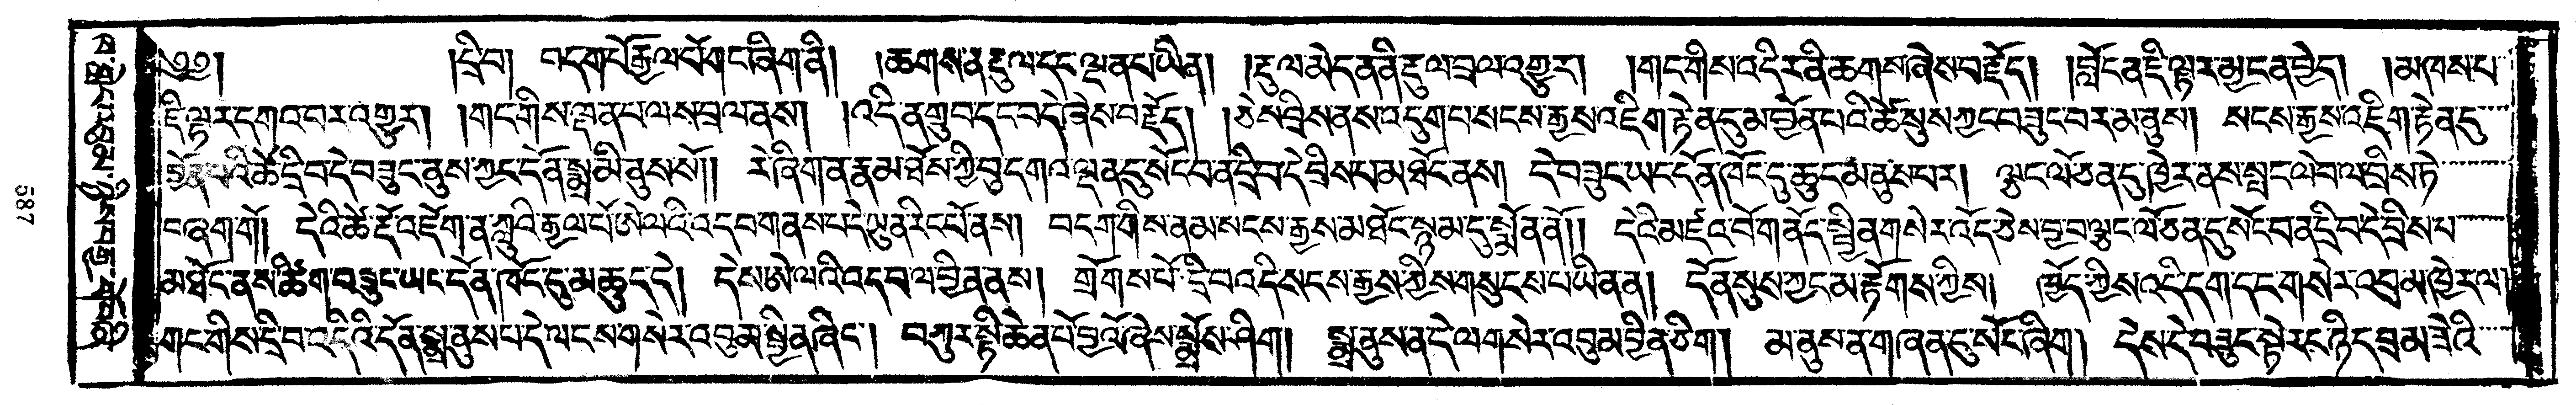༄༅། །དྲི་བ། བདག་པོ་རྒྱལ་པོ་གང་ཞིག་ནི། །ཆགས་ན་རྡུལ་དང་ལྡན་པ་ཡིན། །རྡུལ་མེད་ན་ནི་རྡུལ་བྲལ་འགྱུར། །གང་གིས་འདིར་ནི་ཆགས་ཞེས་བརྗོད། བློ་ངན་ཇི་ལྟར་མྱ་ངན་བྱེད། མཁས་པ་
ཇི་ལྟར་དགའ་བར་འགྱུར། །གང་གིས་ལྡན་པ་ལས་བྲལ་ནས། །འདི་ན་གྲུབ་དང་བདེ་ཞེས་བརྗོད། །ཅེས་བྲིས་ནས་འདུག་པ་སངས་རྒྱས་འཇིག་རྟེན་དུ་མ་བྱོན་པའི་ཚེ་སུས་ཀྱང་བཟུང་བར་མ་ནུས། སངས་རྒྱས་འཇིག་རྟེན་དུ་
བྱོན་པའི་ཚེ་དྲི་བ་དེ་བཟུང་ནུས་ཀྱང་དོན་སྨྲ་མི་ནུས་སོ།། རེ་ཞིག་ན་རྣམ་ཐོས་ཀྱི་བུ་དགའ་ལྡན་དུ་སོང་བ་ན་དྲི་བ་དེ་བྲིས་པ་མཐོང་ནས། དེ་བཟུང་ཡང་དོན་ཁོང་དུ་ཆུང་མ་ནུས་པར། ལྕང་ལོ་ཅན་དུ་ཁྱེར་ནས་སྤང་ལེབ་ལ་བྲིས་ཏེ་
བཞག་གོ། དེའི་ཚེ་རྡོ་འཇོག་ན་ཀླུའི་རྒྱལ་པོ་ཨེ་ལའི་འདབ་གནས་པ་དེ་ཡུན་རིང་པོ་ནས། བདག་གིས་ནམ་སངས་རྒྱས་མཐོང་སྙམ་དུ་སྨོན་ནོ།། དེའི་མཛའ་བོ་གནོད་སྦྱིན་གསེར་འོད་ཅེས་བྱ་བ་ལྕང་ལོ་ཅན་དུ་སོང་བ་ན་དྲི་བ་དེ་བྲིས་པ་
མཐོང་ནས་ཚིག་བཟུང་ཡང་དོན་ཁོང་དུ་མཆུད་དེ། དེས་ཨེ་ལའི་འདབ་ལ་བྱིན་ནས། གྲོགས་པོ་དྲི་བ་འདི་སངས་རྒྱས་ཀྱིས་གསུངས་པ་ཡིན་ན། །དོན་སུས་ཀྱང་མ་རྟོགས་ཀྱིས། ཁྱོད་ཀྱིས་འདི་དག་དང་གསེར་འབྲ་མ་ཁྱེར་ལ།
གང་གིས་དྲི་བ་འདིའི་དོན་སྨྲ་ནུས་པ་དེ་ལངས་གསེར་འབུ་མ་སྦྱིན་ཞིང་། བཀུར་སྟི་ཆེན་པོ་བྱའོ་ཞེས་སྨྲོས་ཤིག། སྨྲ་ནུས་ན་དེ་ལག་སེར་འབུམ་བྱིན་ཅིག། མ་ནུས་ན་གཞན་དུ་སོང་ཞིག། དེས་དེ་བཟུང་སྟེ་རང་ཉིད་བྲམ་ཟེའི་